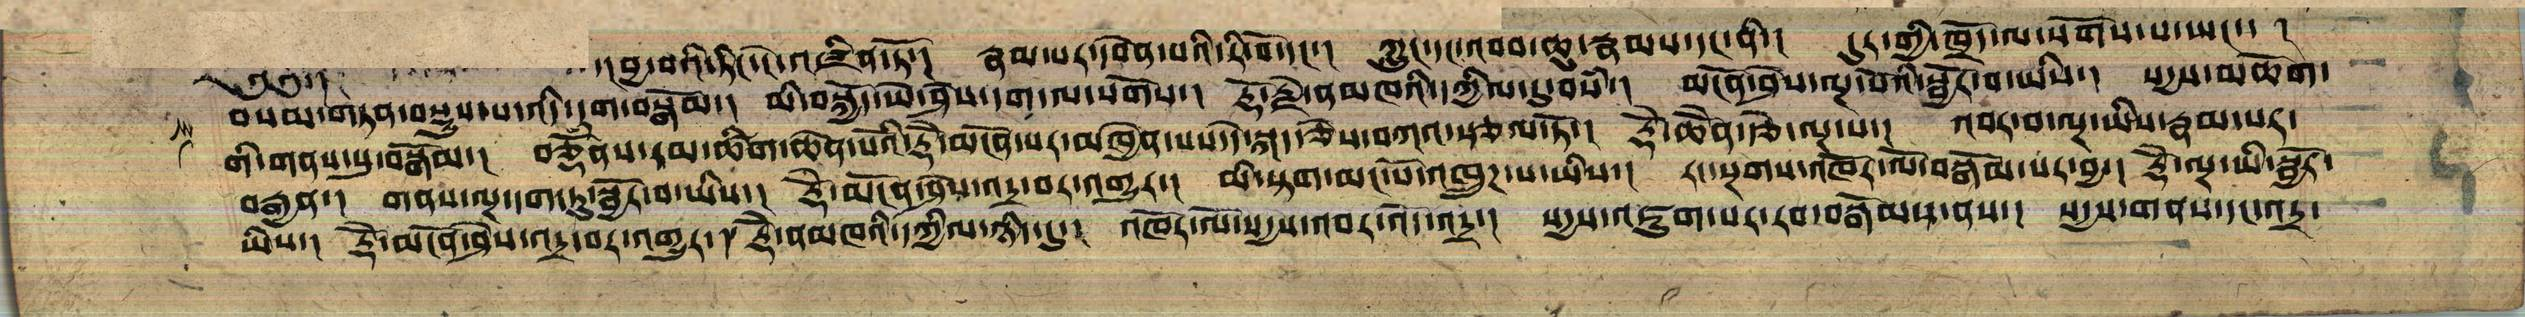་།བྱ་བའི་ཏིང་ངེ་འཛིན་ཏོ་། རྣམ་པར་དབེན་པའི་རི་བོ་དང་། ཀླུང་དང་འབབ་ཆུ་རྣམས་དང་ནི་། དུར་གྱི་ཁྲོད་ལ་སོགས་པ་ཡང་་ །
བསམ་གཏན་བསྡུས་པ་འདི་དག་བསྒོམ་། མི་བསྐྱོད་ཡེ་ཤེས་དག་ལ་སོགས་། རྡོ་རྗེ་ནམཁའི་དཀྱིལ་དུ་བསཾ་། མངོན་ཤེས་ལྔ་པོའི་སྦྱོར་བ་ཡིས་། སདྱས་མཆོག་
གི་གནས་སུ་བསྒོམ་། བཅྡོཾནས་དམ་ཚིག་ཆེན་པོའི་རྡོེ་མངོན་པར་མཁྱེན་པས་དེ་སྐད་ཅེས་བཀའ་སྩལ་ཏོ་། རྡོེ་ཆེནོ་རྩེ་ལྔ་པ་། འབར་བ་ལྔ་ཡིས་རྣམ་པར་
བརྒྱན་། གནས་ལྔ་དག་ཏུ་སྦྱོར་བ་ཡིས་། རྡོེ་མངོན་ཤེས་འདྲ་བར་འགྱུར་། མི་སྟག་མང་པོ་འཁྲུཌ་པ་ཡིས་། རང་སྔགས་འཁོར་ལོ་བསྒོམ་པར་བྱེད་། རྡོེ་ལྔ་ཡི་སྦྱོར་
ཡིས་། རྡོེ་མངོན་ཤེས་འདྲ་བར་འགྱུར་། རྡོེ་ནམཁའི་དཀྱིལ་ཉིད་དུ་། འཁོར་ལོ་སདྱས་འབར་འོད་འདྲ་། སདྱས་འཇུག་པར་རབ་བསྒོམས་ནས་། སདྱས་གནས་དང་འདྲ་